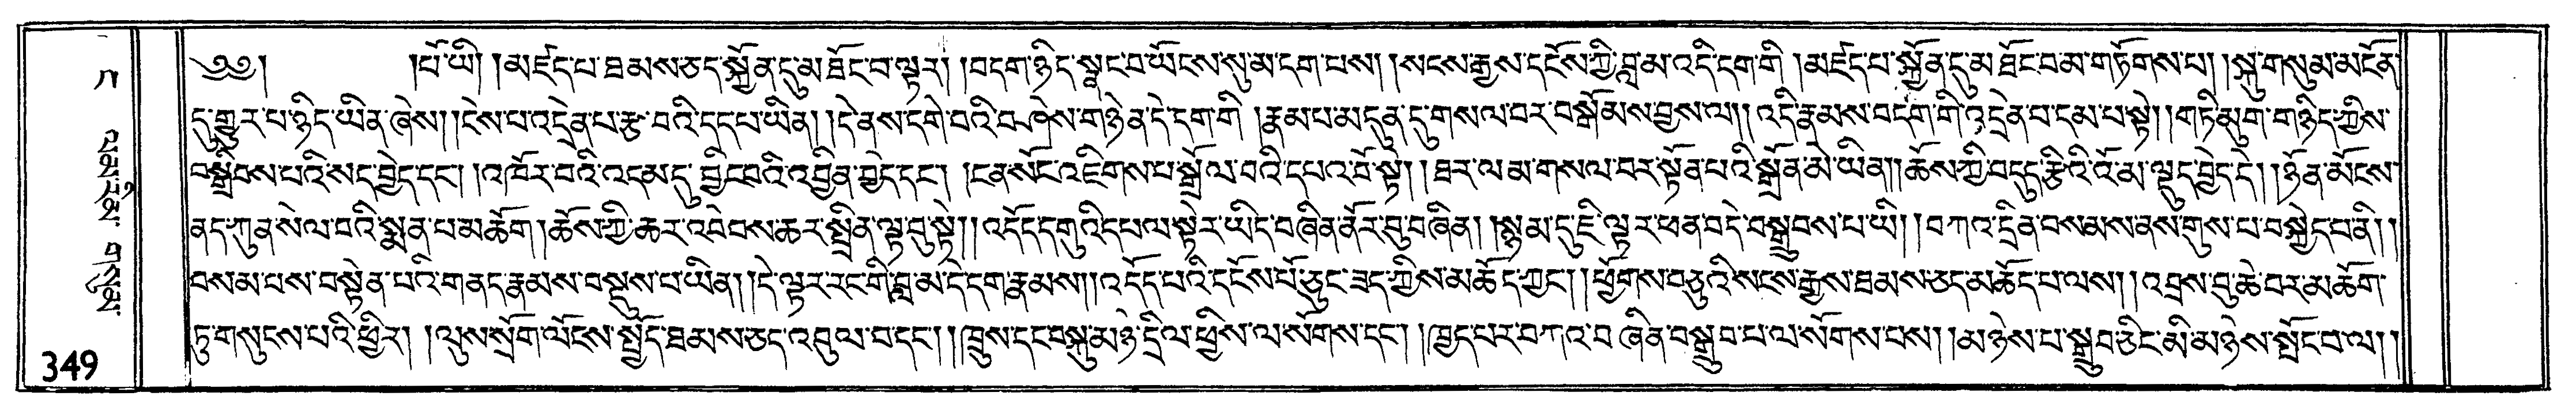༄༅། །པོ་ཡི། །མཛད་པ་ཐམས་ཅད་སྐྱོན་དུ་མཐོང་བ་ལྟར། །བདག་ཉིད་སྣང་བ་ཡོངས་སུ་མ་དག་པས། །སངས་རྒྱས་དངོས་ཀྱི་བླ་མ་འདི་དག་གི །མཛད་པ་སྐྱོན་དུ་མཐོང་བ་མ་གཏོགས་པ། །སྐུ་གསུམ་མངོན་
དུ་གྱུར་པ་ཉིད་ཡིན་ཞེས། །ངེས་པ་འདྲེན་པ་རྩ་བའི་དད་པ་ཡིན། །དེ་ནས་དགེ་བའི་བཤེས་གཉེན་དེ་དག་གི །རྣམ་པ་མདུན་དུ་གསལ་བར་བསྒོམས་བྱས་ལ། །འདི་རྣམས་བདག་གི་འདྲེན་པ་དམ་པ་སྟེ། །གཏི་མུག་གཉིད་ཀྱིས་
བསྒྲིབས་པའི་སད་བྱེད་དང་། །འཁོར་བའི་འདམ་དུ་བྱིང་བའི་འབྱིན་བྱེད་དང་། །ངན་སོང་འཇིགས་པ་སྒྲོལ་བའི་དཔའ་བོ་སྟེ། །ཐར་ལམ་གསལ་བར་སྟོན་པའི་སྒྲོན་མེ་ཡིན། །ཆོས་ཀྱི་བདུད་རྩིའི་འོ་མ་ལྡུད་བྱེད་དེ། །ཉོན་མོངས་
ནད་ཀུན་སེལ་བའི་སྨན་པ་མཆོག །ཆོས་ཀྱི་ཆར་འབེབས་ཆར་སྤྲིན་ལྟ་བུ་སྟེ། །འདོད་དགུའི་དཔལ་སྟེར་ཡིད་བཞིན་ནོར་བུ་བཞིན། །སྙམ་དུ་ཇི་ལྟར་ཕན་བདེ་བསྒྲུབས་པ་ཡི། །བཀའ་དྲིན་བསམས་ནས་གུས་པ་བསྐྱེད་པ་ནི། །
བསམ་པས་བསྟེན་པའི་གནད་རྣམས་བསྡུས་པ་ཡིན། །དེ་ལྟར་རང་གི་བླ་མ་དེ་དག་རྣམས། །འདོད་པའི་དངོས་པོ་ཅུང་ཟད་ཀྱིས་མཆོད་ཀྱང་། །ཕྱོགས་བཅུའི་སངས་རྒྱས་ཐམས་ཅད་མཆོད་པ་ལས། །འབྲས་བུ་ཆེ་བར་མཆོག་
ཏུ་གསུངས་པའི་ཕྱིར། །ལུས་སྲོག་ལོངས་སྤྱོད་ཐམས་ཅད་འབུལ་བ་དང་། །ཁྲུས་དང་བསྐུ་མཉེ་དྲིལ་ཕྱིས་ལ་སོགས་དང་། །ཁྱད་པར་བཀའ་བཞིན་བསྒྲུབ་པ་ལ་སོགས་པས། །མཉེས་པ་སྒྲུབ་ཅིང་མི་མཉེས་སྤོང་བ་ལ། །